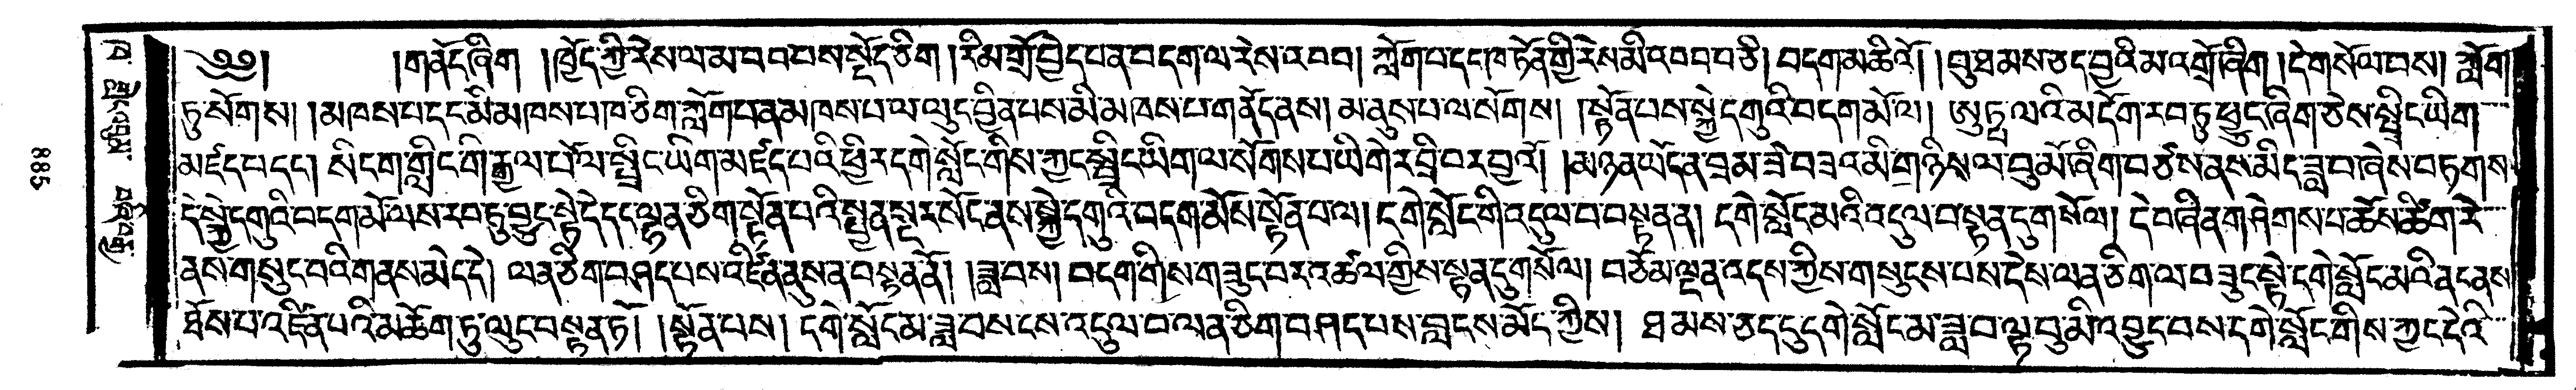༄༅། །གནོད་ཞིག །ཁྱོད་ཀྱི་རེས་ལ་མ་བབ་པས་སྡོད་ཅིག །རིམ་གྲོ་བྱེད་པ་ན་བདག་ལ་རེས་འབབ། ཀློག་བ་དང་ཁ་ཏོན་གྱི་རེས་མི་འབབ་པ་ཅི། བདག་མཆིའོ། །བུ་ཐམས་ཅད་བྱའི་མ་འགྲོ་ཞིག །དེ་གསོལ་བས། ཀློག་
ཏུ་སོགས། །མཁས་པ་དང་མི་མཁས་པ་ཁ་ཅིག་ཀློག་པ་ན་མཁས་པ་ལ་ལུང་བྱིན་པས་མི་མཁས་པ་གནོད་ནས། མ་ནུས་པ་ལ་སོགས། །སྟོན་པས་སྐྱེ་དགུའི་བདག་མོ་ལ། ཨུཏྤ་ལའི་མདོག་རབ་ཏུ་ཕྱུང་ཞིག་ཅེས་སྤྲིང་ཡིག་
མཛད་པ་དང་། སིང་ག་གླིང་གི་རྒྱལ་པོ་ལ་སྤྲིང་ཡིག་མཛད་པའི་ཕྱིར་དགེ་སློང་གིས་ཀྱང་སྦྲིང་ཡིག་ལ་སོགས་པ་ཡི་གེར་བྲི་བར་བྱའོ། །མཉན་ཡོད་ན་བྲམ་ཟེ་བཟའ་མི་གཉིས་ལ་བུ་མོ་ཞིག་བཙས་ནས་མིད་ཟླ་བ་ཞེས་བཏགས་
དེ་སྐྱེ་དགུའི་བདག་མོ་ལས་རབ་ཏུ་བྱུང་སྟེ་དེ་དང་ལྷན་ཅིག་སྟོན་པའི་སྤྱན་སྔར་སོང་ནས་སྐྱེ་དགུའི་བདག་མོས་སྟོན་པ་ལ། དགེ་སློང་གི་འདུལ་བ་བསྟན། དགེ་སློང་མའི་འདུལ་བ་སྟན་དུ་གསོལ། དེ་བཞིན་གཤེགས་པ་ཆོས་ཚིག་རེ་
ནས་གསུང་བའི་གནས་མེད་དེ། ལན་ཅིག་བཤད་པས་འཛིན་ནུས་ན་བསྟན་ནོ། །ཟླ་བས། བདག་གིས་གཟུང་བར་འཚལ་གྱིས་སྟན་དུ་གསོལ། བཅོམ་ལྡན་འདས་ཀྱིས་གསུངས་པས་དེས་ལན་ཅིག་ལ་བཟུང་སྟེ་དགེ་སློང་མའི་ནང་ནས་
ཐོས་པ་འཛིན་པའི་མཆོག་ཏུ་ལུང་བསྟན་ཏོ། །སྟོན་པས། དགེ་སློང་མ་ཟླ་བས་ངས་འདུལ་བ་ལན་ཅིག་བཤད་པས་བླངས་མོད་ཀྱིས། ཐམས་ཅད་དུ་དགེ་སློང་མ་ཟླ་བ་ལྟ་བུ་མི་འབྱུང་བས་དགེ་སློང་གིས་ཀྱང་དེའི་